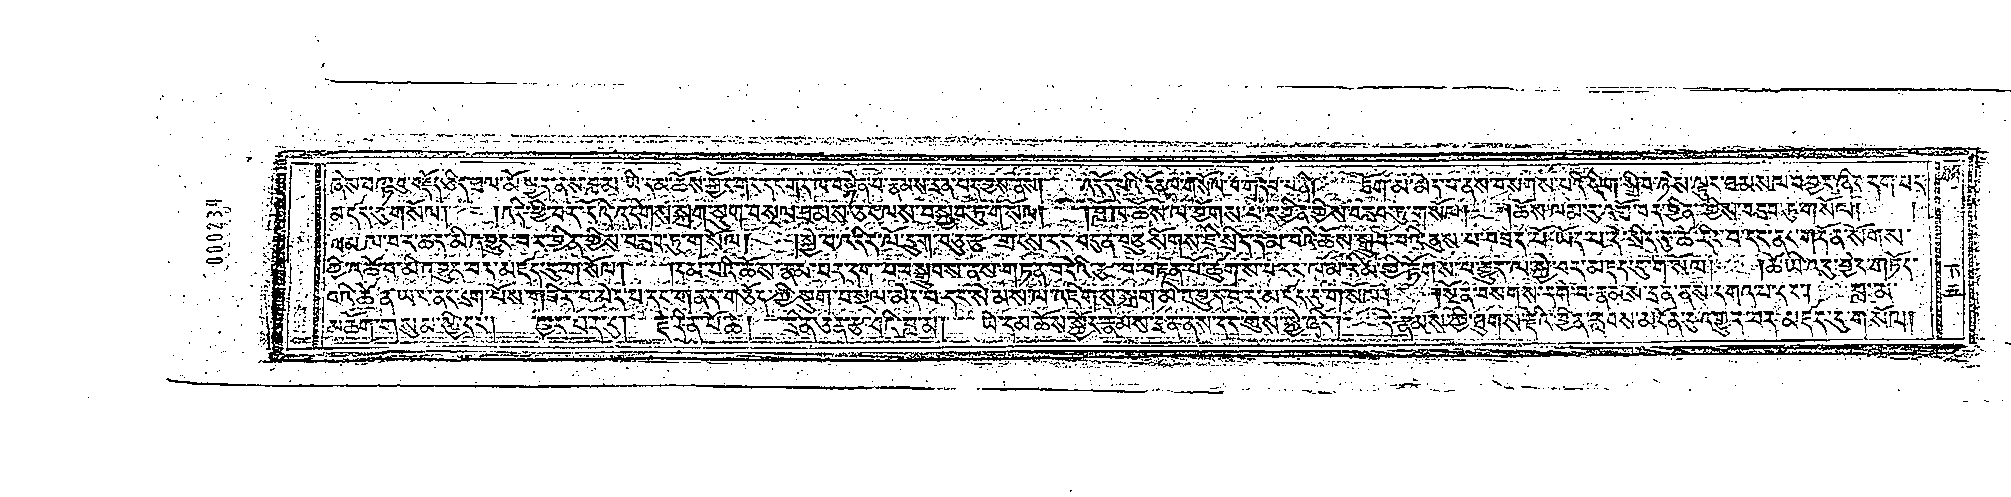ཞེས་བ་ལྟ་བུ་བརྗོད་ཅིད་ཐལ་མོ་སྦྱར་ནས་བླ་མ་ཡི་དམ་ཆོས་སྐྱོང་གང་དང་གང་ལ་བསྟེན་པ་རྣམས་དྲན་པར་བྱས་ནས། འདོད་པའི་དོན་ལ་གསོལ་བ་གདབ་པ་ནི། ཐོག་མ་མེད་པ་ནས་བསགས་པའི་སྡིག་སྒྲིབ་ཉེས་ལྟུང་ཐམས་ཅད་བྱང་ཞིང་དག་པར་
མཛད་དུ་གསོལ། །འདི་ཕྱི་བར་དོའི་འཇིགས་སྐྲག་སྡུག་བསྔལ་ཐམས་ཅད་ལས་བསྐྱབ་ཏུ་གསོལ། བློ་ཁ་ཆོས་ལ་ཕྱོགས་པར་བྱིན་གྱིས་བརླབ་ཏུ་གསོལ། །ཆོས་ལམ་དུ་འགྲོ་བར་བྱིན་གྱིས་བརླབ་ཏུ་གསོལ། །
ལམ་ལ་བར་ཆད་མི་འབྱུང་བར་བྱིན་གྱིས་བརླབ་ཏུ་གསོལ། །སྐྱེ་བ་འདིར་ལོ་དྲུག་བཅུ་རྩ་གྲངས་དང་བདུན་བཅུ་སོགས་ཇི་སྲིད་དམ་བའི་ཆོས་སྒྲུབ་པའི་ནུས་པ་བཟང་པོ་ཡོད་པ་དེ་སྲིད་དུ་ཚེ་རིང་བ་དང་ནང་གདོན་སོགས་
ཀྱི་འཚེ་བ་མི་འབྱུང་བར་མཛད་དུ་གསོལ། །དམ་པའི་ཆོས་རྣམ་པར་དག་པ་བསྒྲུབས་ནས་གཏན་བདེའི་རྩ་བ་བརྟན་པོ་ཚུགས་པ་དང་ལམ་རིམ་གྱི་རྟོགས་པ་རྒྱུད་ལ་སྐྱེ་བར་མཛད་དུ་གསོལ། །ཚེ་ཡི་འདུ་བྱེད་གཏོང་
བའི་ཚེ་ན་ཡང་ནང་དྲག་པོས་གཟིར་བ་མེད་པ་དང་གནད་གཅོད་ཀྱི་སྡུག་བསྔལ་མེད་པ་དང་སེམས་ལ་འཇིགས་སྐྲག་མི་འབྱུང་བར་མཛད་དུ་གསོལ། །སྔོན་བསགས་དགེ་བ་རྣམས་དྲན་ནས་དགའ་པ་དང་། བླ་མ་
མཆོག་གསུམ་སྤྱི་དང་། ཁྱད་པར་དུ། རྗེ་རིན་པོ་ཆེ། དྲིན་ཅན་རྩ་བའི་བླ་མ། ཡི་དམ་ཆོས་སྐྱོང་རྣམས་དྲན་ནས་དད་གུས་སྐྱེ་ཞིང་། དེ་རྣམས་ཀྱི་ཐུགས་རྗེའི་བྱིན་རླབས་མངོན་དུ་འགྱུར་བར་མཛད་དུ་གསོལ།